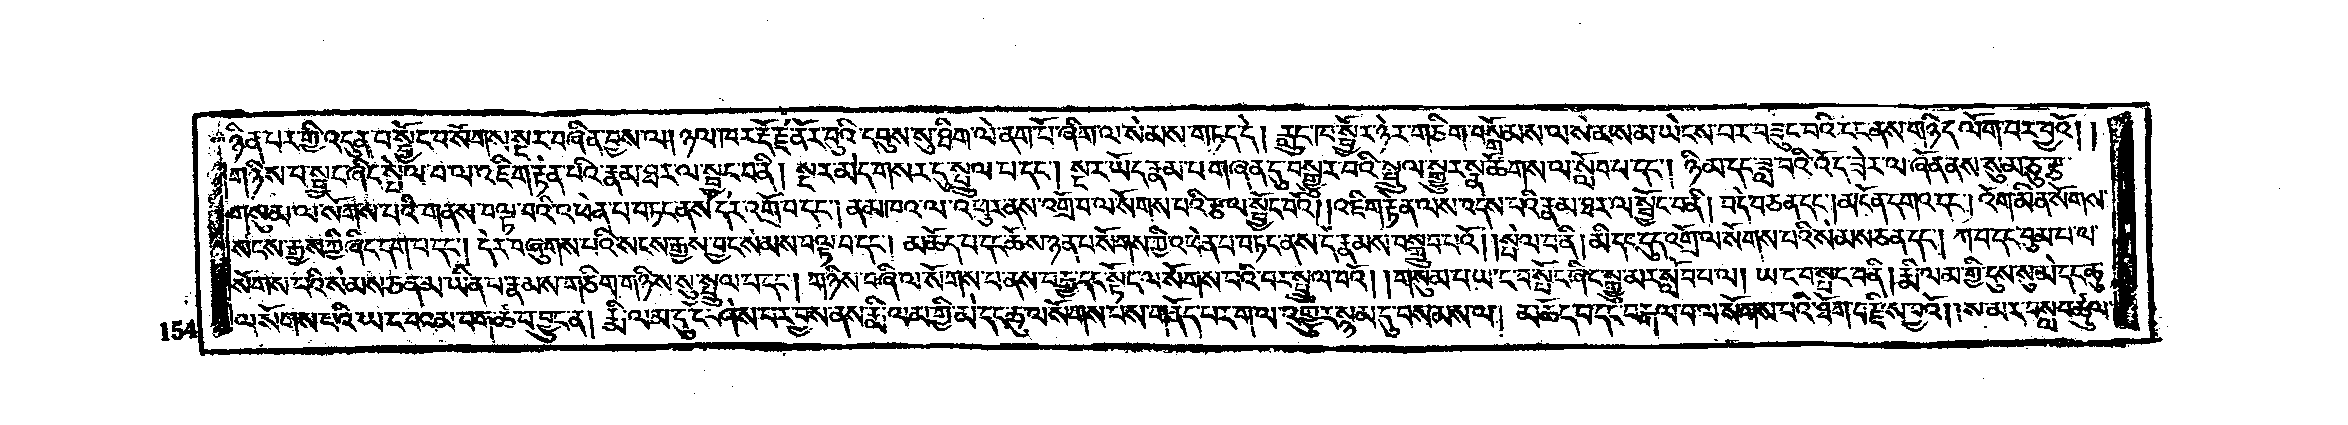ཉིན་པར་གྱི་འདུན་པ་སྦྱོང་བ་སོགས་སྔར་བཞིན་བྱས་ལ། ཉལ་ཁར་རྡོ་རྗེ་ནོར་བུའི་དབུས་སུ་ཐིག་ལེ་ནག་པོ་ཞིག་ལ་སེམས་གཏད་དེ། རླུང་ཁ་སྦྱོར་ཉེར་གཅིག་བསྒོམས་ལ་སེམས་མ་ཡེངས་པར་བཟུང་བའི་ངང་ནས་གཉིད་ལོག་པར་བྱའོ། །
གཉིས་པ་སྦྱང་ཞིང་སྤེལ་བ་ལ་འཇིག་རྟེན་པའི་རྣམ་ཐར་ལ་སྦྱང་བ་ནི། སྔར་མེད་གསར་དུ་སྤྲུལ་པ་དང་། སྔར་ཡོད་རྣམ་པ་གཞན་དུ་བསྒྱུར་བའི་སྤྲུལ་སྒྱུར་སྣ་ཚོགས་ལ་སློབ་པ་དང་། ཉི་མ་དང་ཟླ་བའི་འོད་ཟེར་ལ་ཞོན་ནས་སུམ་ཅུ་རྩ་
གསུམ་ལ་སོགས་པའི་གནས་བལྟ་བའི་འཕེན་པ་བཏང་ནས་དེར་འགྲོ་བ་དང་། ནམ་མཁའ་ལ་འཕུར་ནས་འགྲོ་བ་ལ་སོགས་པའི་རྩལ་སྦྱོང་བའོ། །འཇིག་རྟེན་ལས་འདས་པའི་རྣམ་ཐར་ལ་སྦྱོང་བ་ནི། བདེ་བ་ཅན་དང་། མངོན་དགའ་དང་། འོག་མིན་སོགས་
སངས་རྒྱས་ཀྱི་ཞིང་དག་པ་དང་། དེར་བཞུགས་པའི་སངས་རྒྱས་བྱང་སེམས་བལྟ་བ་དང་། མཆོད་པ་དང་ཆོས་ཉན་པ་སོགས་ཀྱི་འཕེན་པ་བཏང་ནས་དེ་རྣམས་བསྒྲུབ་པའོ། །སྤེལ་བ་ནི། མི་དང་དུད་འགྲོ་ལ་སོགས་པའི་སེམས་ཅན་དང་། ཀ་བ་དང་བུམ་པ་ལ་
སོགས་པའི་སེམས་ཅན་མ་ཡིན་པ་རྣམས་གཅིག་གཉིས་སུ་སྤྲུལ་པ་དང་། གཉིས་བཞི་ལ་སོགས་པ་ནས་བརྒྱ་དང་སྟོང་ལ་སོགས་པའི་བར་སྤྲུལ་བའོ། །གསུམ་པ་ཡ་ང་བ་སྤོང་ཞིང་སྒྱུ་མར་སློབ་པ་ལ། ཡ་ང་བ་སྤང་བ་ནི། རྨི་ལམ་གྱི་དུས་སུ་མེ་དང་ཆུ་
ལ་སོགས་པའི་ཡ་ང་བའམ་བག་ཚ་བ་བྱུང་ན། རྨི་ལམ་དུ་ངོ་ཤེས་པར་བྱས་ནས་རྨི་ལམ་གྱི་མེ་དང་ཆུ་ལ་སོགས་པས་གནོད་པར་ག་ལ་འགྱུར་སྙམ་དུ་བསམས་ལ། མཆོང་བ་དང་བརྒལ་བ་ལ་སོགས་པའི་ཐོག་བརྫིས་བྱའོ། །སྒྱུ་མར་བསླབ་ཚུལ་